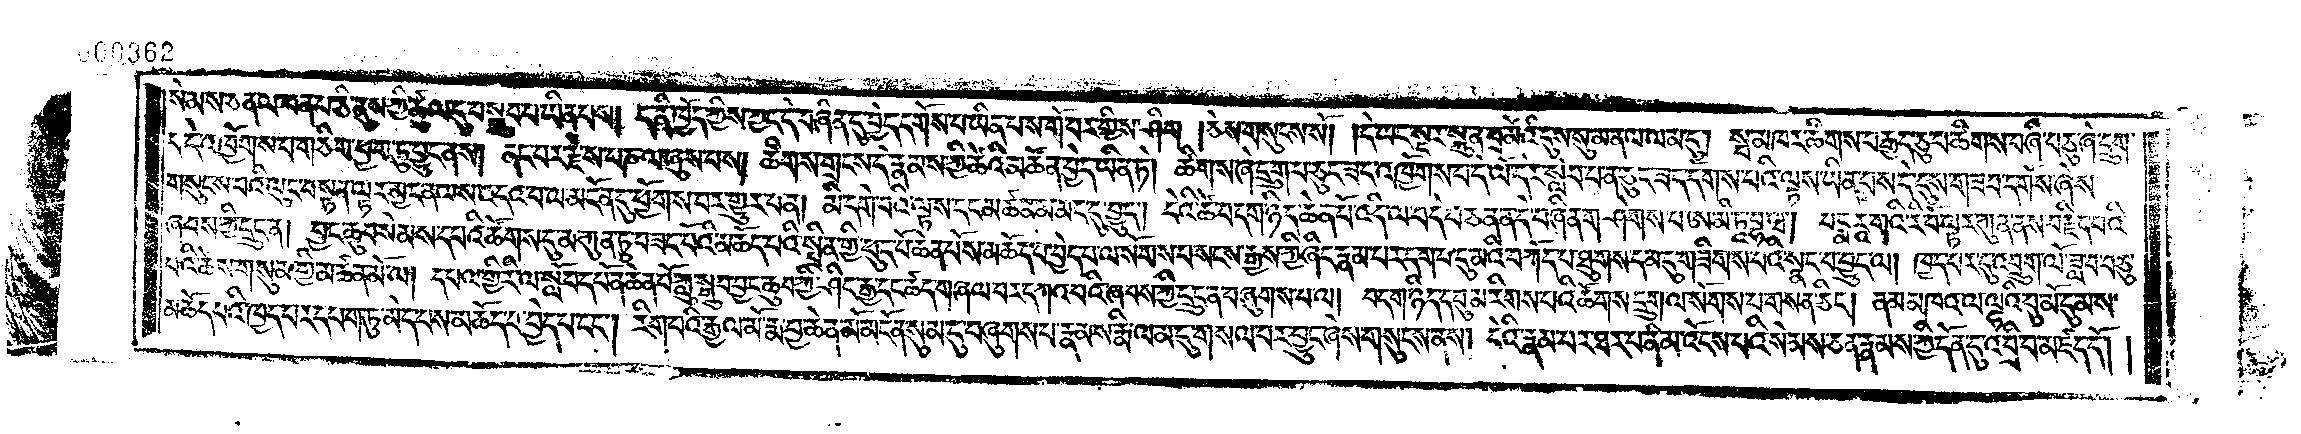སེམས་ཅན་ལ་ཕན་པ་ཅི་ནུས་ཀྱི་ཚུལ་དུ་བསྒྲུབ་པ་ཡིན་པས། ད་ནི་ཁྱོད་ཀྱིས་ཀྱང་དེ་བཞིན་དུ་བྱེད་དགོས་པ་ཡིན་པས་གོ་བར་གྱིས་ཤིག །ཅེས་གསུངས་སོ། །དེ་ཡང་སྔར་སྐུ་ན་ཕྲ་མོའི་དུས་སུ་མནལ་ལམ་དུ། སྦ་མཁར་ཚིགས་བརྒྱད་ཅུ་བ་ཚིགས་བཞི་བཅུ་ཞེ་དྲུག་
པ་དེ་འཁྱོགས་པ་གཅིག་ཕྱག་ཏུ་བྱུང་ནས། ནང་བར་རྗེས་པཎ་ལ་ཞུས་བས། ཚིགས་གྲངས་དེ་རྣམས་ཀྱི་ཚེའི་མཚོན་བྱེད་ཡིན་ཏེ། ཚིགས་ཞེ་དྲུག་པ་ཅུང་ཟད་འཁྱོགས་པ་དེ་ལོ་དེར་སློབ་པ་ན་ཅུང་ཟད་དོགས་པའི་ལྟས་ཡིན་པས་དེ་དུས་གཟབ་དགོས་ཞེས་
གསུངས་པའི་ལུང་བསྟན་ལྟར་མྱ་ངན་ལས་འདའ་བ་ལ་མངོན་དུ་ཕྱོགས་བར་གྱུར་པ་ན། མི་དགེ་བའི་ལྟས་དང་མཚན་མ་མང་དུ་བྱུང་། དེའི་ཚེ་བདག་ཉིད་ཆེན་པོ་འདི་ལ་བདེ་བ་ཅན་ན་དེ་བཞིན་གཤེགས་པ་ཨ་མི་ཏཱ་བྷ་ཝ། པདམ་རཱ་གའི་རི་བོ་ལྟར་ཀུན་ནས་བརྗིད་པའི་
ཞབས་ཀྱི་དྲུང་ན། བྱང་ཆུབ་སེམས་དཔའི་ཚོགས་དུ་མ་ཀུན་ཏུ་བཟང་པོའི་མཆོད་པའི་སྤྲིན་གྱི་ཕུང་པོ་ཆེན་པོས་མཆོད་པ་བྱེད་པ་ལ་སོགས་པ་སངས་རྒྱས་ཀྱི་ཞིང་རྣམ་པར་དག་པ་དུ་མའི་བཀོད་པ་ཐུགས་དམ་དུ་གཟིགས་པའི་སྣང་བ་བྱུང་ལ། ཁྱད་པར་དུ་འབྲུག་ལོ་ཟླ་བ་བཅུ་
པའི་ཚེས་གསུམ་གྱི་མཚན་མོ་ལ། དཔལ་གྱི་རི་ལ་སློབ་དཔོན་ཆེན་པོ་ཀླུ་སྒྲུབ་བྱང་ཆུབ་ཀྱི་ཤིང་རྒྱ་དང་ཚད་གཞལ་བར་དཀའ་བའི་ཞབས་ཀྱི་དྲུང་ན་བཞུགས་པ་ལ། བདག་ཉིད་དབུ་མ་རིགས་པའི་ཚོགས་དྲུག་ལ་སོགས་པ་གསན་ཅིང་། ནམ་མཁའ་ལ་ལྷའི་བུ་མོ་དུ་མས་
མཆོད་པའི་ཁྱད་པར་དཔག་ཏུ་མེད་པས་མཆོད་བ་བྱེད་པ་དང་། རིག་པའི་རྒྱལ་མོ་རྨ་བྱ་ཆེན་མོ་མངོན་སུམ་དུ་བཞུགས་པ་རྣམས་རྨི་ལམ་དུ་གསལ་བར་བྱུང་ཞེས་གསུངས་ནས། དེའི་རྣམ་པར་ཐར་པ་ནི་མ་འོངས་པའི་སེམས་ཅན་རྣམས་ཀྱི་དོན་དུ་འབྲི་བ་མཛད་དོ། །